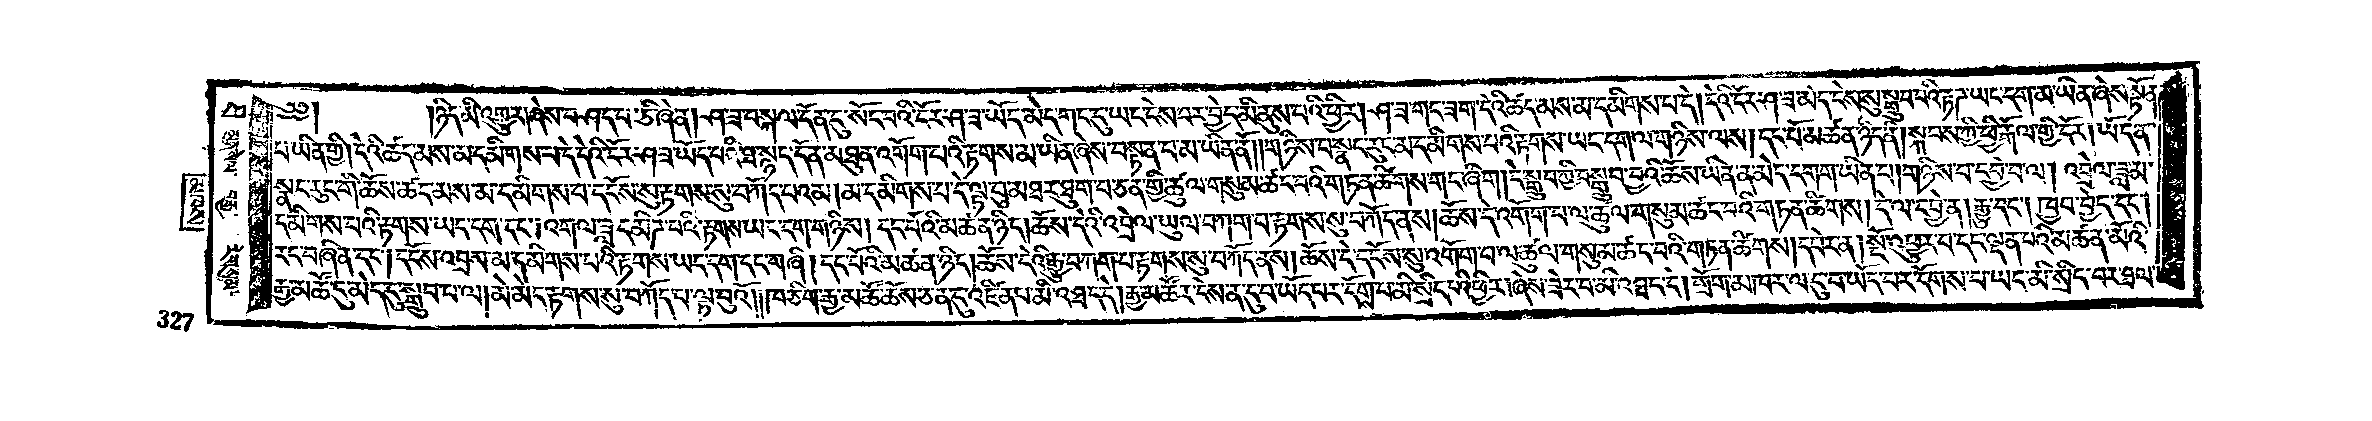༄༅། །ཉིད་མི་འགྱུར། ཞེས་བཤད་པ་ཅི་ཞེ་ན། ཤ་ཟ་བསྐལ་དོན་དུ་སོང་བའི་ངོར་ཤ་ཟ་ཡོད་མེད་གང་དུ་ཡང་ངེས་པར་བྱེད་མི་ནུས་པའི་ཕྱིར། ཤ་ཟ་གང་ཟག་དེའི་ཚད་མས་མ་དམིགས་པ་དེ། དེའི་ངོར་ཤ་ཟ་མེད་ངེས་སུ་སྒྲུབ་པའི་རྟཌ་ཡང་དག་མ་ཡིན་ཞེས་སྟོན་
པ་ཡིན་གྱི། དེའི་ཚད་མས་མ་དམིགས་པ་དེ་དེའི་ངོར་ཤ་ཟ་ཡོད་པའི་ཐ་སྙད་དོན་མཐུན་འགོག་པའི་རྟགས་མ་ཡིན་ཞེས་བསྟན་པ་མ་ཡིན་ནོ། །གཉིས་པ་སྣང་རུང་མ་དམིགས་པའི་རྟགས་ཡང་དག་ལ་གཉིས་ལས། དང་པོ་མཚན་ཉིད་ནི། སྐབས་ཀྱི་ཕྱི་རྒོལ་གྱི་ངོར། ཡོད་ན་
སྣང་རུང་གི་ཆོས་ཚད་མས་མ་དམིགས་པ་དངོས་སུ་རྟགས་སུ་བཀོད་པའམ། མ་དམིགས་པ་དེ་ལྟ་བུ་མཐར་ཐུག་པ་ཅན་གྱི་ཚུལ་གསུམ་ཚང་བའི་གཏན་ཚིགས་གང་ཞིག། དེ་སྒྲུབ་ཀྱི་བསྒྲུབ་བྱའི་ཆོས་ཡིན་ན་མེད་དགག་ཡིན་པ། གཉིས་པ་དབྱེ་བ་ལ། འབྲེལ་ཟླ་མ་
དམིགས་པའི་རྟགས་ཡང་དག་དང་། འགལ་ཟླ་དམིཌ་པའི་རྟགས་ཡང་དག་གཉིས། དང་པོའི་མཚན་ཉིད། ཆོས་དེའི་འབྲེལ་ཡུལ་བཀག་པ་རྟགས་སུ་བཀོད་ནས། ཆོས་དེ་འགོག་པ་ལ་ཚུལ་གསུམ་ཚང་བའི་གཏན་ཚིགས། དེ་ལ་དབྱེ་ན། རྒྱུ་དང་། ཁྱབ་བྱེད་དང་།
རང་བཞིན་དང་། དངོས་འབྲས་མ་དམིགས་པའི་རྟགས་ཡང་དག་དང་གཞི། དང་པོའི་མཚན་ཉིད། ཆོས་དེའི་རྒྱུ་བཀག་པ་རྟགས་སུ་བཀོད་ནས། ཆོས་དེ་དངོས་སུ་འགོག་པ་ལ་ཚུལ་གསུམ་ཚང་བའི་གཏན་ཚིགས། དཔེར་ན། སྔོ་འཕྱུར་བ་དང་ལྡན་པའི་མཚན་མོའི་
རྒྱ་མཚོ་དུ་མེད་དུ་སྒྲུབ་པ་ལ། མེ་མེད་རྟགས་སུ་བཀོད་པ་ལྟ་བུའོ། །ཁ་ཅིག་རྒྱ་མཚོ་ཆོས་ཅན་དུ་འཛིན་པ་མི་འཐད་དེ། རྒྱ་མཚོར་ངེས་ན་དུ་བ་ཡོད་པར་དོགས་པ་མི་སྲིད་པའི་ཕྱིར། ཞེས་ཟེར་བ་མི་འཐད་དེ། གྲོག་མཁར་ལ་དུ་བ་ཡོད་པར་དོགས་པ་ཡང་མི་སྲིད་པར་ཐལ་